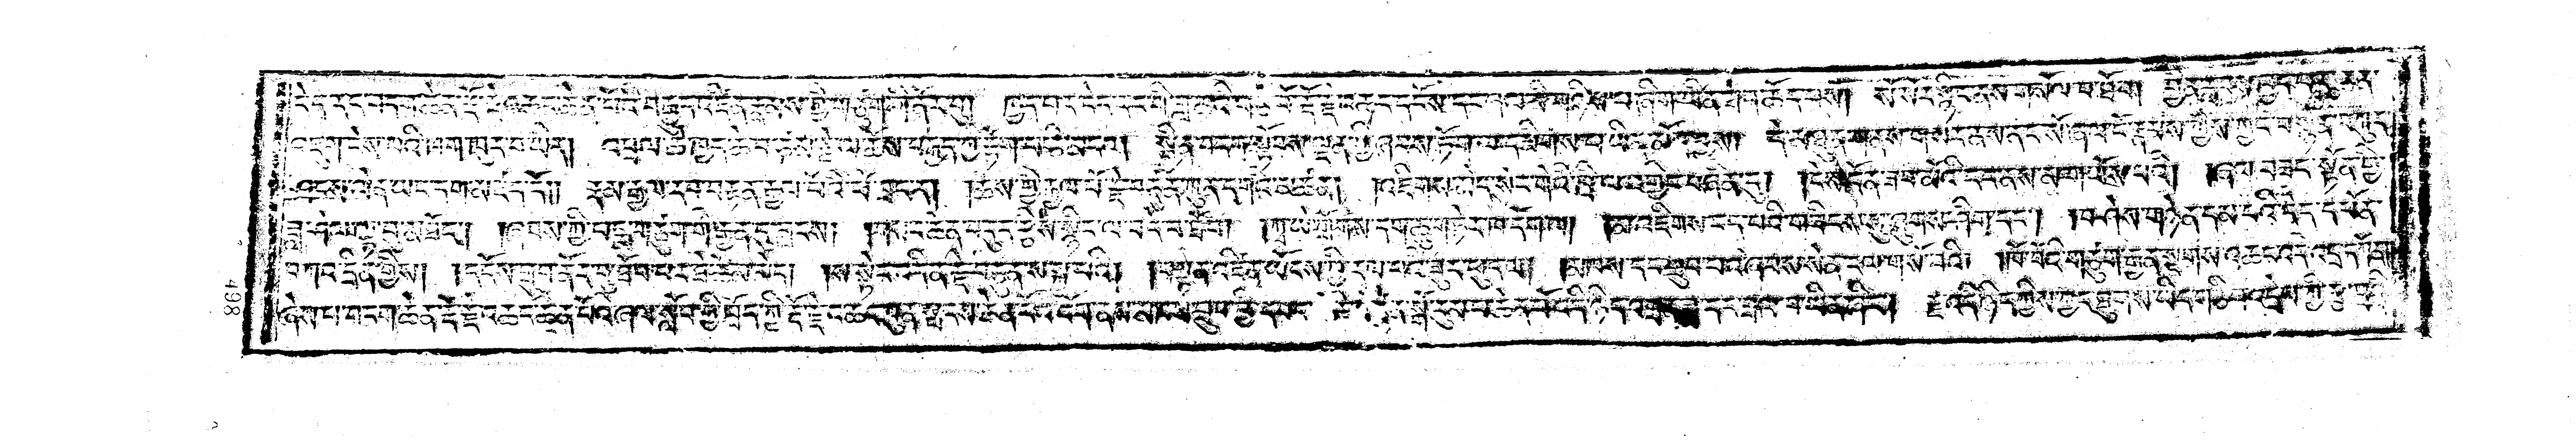དེད་རང་བདག་ཆེན་རྡོ་རྗེ་འཆང་ཆེན་པོའི་བརྒྱུད་འཛིན་རྣམས་ཀྱི་གཙུག་གི་ནོར་བུ། ཁྱད་པར་ངེད་རང་གི་བླ་མའི་གཙོ་བོ་རྡོ་རྗེ་འཆང་དངོས་དང་ཞལ་མི་གཉིས་པ་ཞིག་ཡིན་ཐག་ཆོད་པས། སོ་སོར་སྙིང་ནས་གསོལ་བ་ཐོབ། བྱིན་རླབས་ཁྱད་པར་ཅན་
འཇུག་ངེས་པའི་ཁག་ཁུར་བ་ཡིན། འཕྲལ་ཆེ་ཁྱད་ཆེ་བ་ཙམ་རྗེ་ལ་ཆོས་བརྒྱད་ཀྱི་རྟོག་པ་ཅི་མདའ། སྦྱིན་བདག་སྟོབས་ལྡན་གྱི་ཞབས་ཏོག་ལ་དམིགས་པ་ཡིན་མོད་བྱས། དེ་མཐུན་གནས་གསར་ནས་ནང་སོ་ཞལ་ངོ་རྣམས་ཀྱིས་ཀྱང་བསྙེན་བཀུར་
ཤངས་ལེན་ཡང་དག་མཛད་དོ།། རྣམ་རྒྱལ་རབ་བརྟན་རྒྱལ་པོའི་ཕོ་བྲང་ན། །ཆོས་ཀྱི་རྒྱལ་པོ་རྗེ་བཙུན་ཀུན་དགའི་མཚན། །འཇིགས་མེད་སེང་གེའི་ཁྲི་ལ་འགྱེང་བཞིན་དུ། །ངེས་དོན་ཟབ་མོའི་ངང་ནས་མ་གཡོས་པའི། །ཞལ་བཟང་སྟོན་གྱི་
ཟླ་ཤེལ་ལྟ་བུ་མཐོང་། །ཞབས་ཀྱི་པདམ་གཙུག་གི་རྒྱན་དུ་བླངས། །གསང་ཆེན་བདུད་རྩིས་སྙིང་ལ་བདེ་བ་ཐོབ། །ཀྭ་ཡེ་གྲོགས་དག་ཆུ་གཏེར་ཁ་དོག་ལ། །མ་འཇིགས་དད་པའི་གཟིངས་སུ་ཞུགས་ཤིག་དང་། །བཤེས་གཉེན་དམ་པའི་དེད་དཔོན་
བཀའ་དྲིན་གྱིས། །དངོས་གྲུབ་ནོར་བུ་ཐོབ་པར་ཐེ་ཚོམ་མེད། །ས་སྟེང་འདི་ན་རྗེ་བཙུན་ས་སྐྱ་པའི། །བསྟན་འཛིན་ཡོངས་ཀྱི་རལ་བའི་ཟུར་ཕུད་ལ། །མཁས་དང་གྲུབ་པའི་ཞབས་སེན་ངལ་གསོ་བའི། །ཁོ་བོའི་གཙུག་རྒྱན་སྔགས་འཆང་འདི་འདྲ་དཀོན།
ཞེས་པ་བདག་ཆེན་རྡོ་རྗེ་འཆང་ཆེན་པོའི་ཞལ་སློབ་ཀྱི་ཁྲོད་ཀྱི་རྡོ་རྗེ་འཆང་ཀུན་སྤངས་ཆེན་པོའི་འོག་ནས་མཁས་གྲུབ་ཀྱི་དབང་རྡོ་རྗེ་བཙུན་སྒོ་རུམ་པ་ཆེན་པོ་འདི་ཉིད་འགྲན་ཟླ་དང་བྲལ་བ་ཡིན་ཞིང་། རྗེ་འདི་ཉིད་ཀྱིས་ཀྱང་ཐུགས་ཡིད་གཅིག་འདྲེས་ཀྱི་རྩ་བའི་